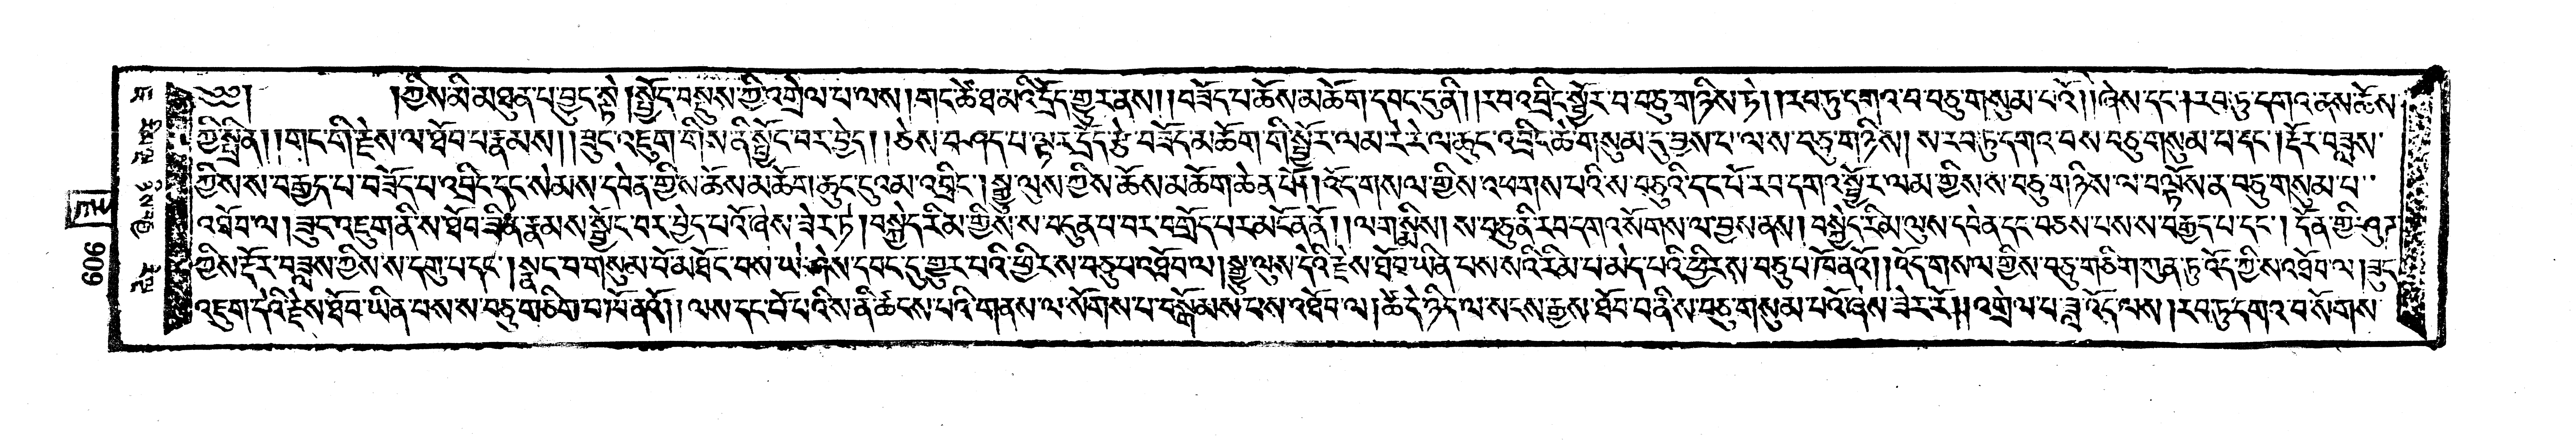༄༅། །ཀྱིས་མི་མཐུན་པ་བྱུང་སྟེ། སྤྱོད་བསྡུས་ཀྱི་འགྲེལ་པ་ལས། གང་ཚེ་ཐ་མའི་དྲོད་གྱུར་ནས། །བཟོད་པ་ཆོས་མཆོག་དབང་དུ་ནི། །རབ་འབྲིང་སྦྱོར་བ་བཅུ་གཉིས་ཏེ། །རབ་ཏུ་དགའ་བ་བཅུ་གསུམ་པའོ། །ཞེས་དང་། རབ་ཏུ་དགའ་ནས་ཆོས་
ཀྱི་སྤྲིན། །གང་གི་རྗེས་ལ་ཐོབ་པ་རྣམས། །ཟུང་འཇུག་གིས་ནི་སྦྱོང་བར་བྱེད། །ཅེས་བཤད་པ་ལྟར་དྲོད་རྩེ་བཟོད་མཆོག་གི་སྦྱོར་ལམ་རེ་རེ་ལ་ཆུང་འབྲིང་ཆེ་གསུམ་དུ་བྱས་པ་ལ་ས་བཅུ་གཉིས། ས་རབ་ཏུ་དགའ་བས་བཅུ་གསུམ་པ་དང་། རྡོར་བཟླས་
ཀྱིས་ས་བརྒྱད་པ་བཟོད་པ་འབྲིང་དང་སེམས་དབེན་གྱིས་ཆོས་མཆོག་ཆུང་ངུའམ་འབྲིང་། སྒྱུ་ལུས་ཀྱིས་ཆོས་མཆོག་ཆེན་པོ། །འོད་གསལ་གྱིས་འཕགས་པའི་ས་བཅུའི་དང་པོ་རབ་དགའ་སྦྱོར་ལམ་གྱིས་ས་བཅུ་གཉིས་ལ་བལྟོས་ན་བཅུ་གསུམ་པ་
འཐོབ་ལ། ཟུང་འཇུག་ནི་ས་ཐོབ་ཟིན་རྣམས་སྦྱོང་བར་བྱེད་པའོ་ཞེས་ཟེར་ཏེ། བསྐྱེད་རིམ་གྱིས་ས་བདུན་པ་བར་བགྲོད་པར་མངོན་ནོ། །ལག་སྨིས། ས་བཅུ་ནི་རབ་དགའ་སོགས་ལ་བྱས་ནས། བསྐྱེད་རིམ་ལུས་དབེན་དང་བཅས་པས་ས་བརྒྱད་པ་དང་། དོན་གྱི་ཤུགས་
ཀྱིས་རྡོར་བཟླས་ཀྱིས་ས་དགུ་པ་དང་། སྣང་བ་གསུམ་པོ་མཐོང་བས་ཡེ་ཤེས་དབང་དུ་གྱུར་པའི་ཕྱིར་ས་བཅུ་པ་འཐོབ་ལ། སྒྱུ་ལུས་དེའི་རྗེས་ཐོབ་ཡིན་པས་སའི་རིམ་པ་མེད་པའི་ཕྱིར་ས་བཅུ་པ་ཁོ་ནའོ། །འོད་གསལ་གྱིས་བཅུ་གཅིག་ཀུན་ཏུ་འོད་ཀྱི་ས་འཐོབ་ལ། ཟུང་
འཇུག་དེའི་རྗེས་ཐོབ་ཡིན་པས་ས་བཅུ་གཅིག་པ་ཁོ་ནའོ། །ལས་དང་པོ་པའི་ས་ནི་ཚངས་པའི་གནས་ལ་སོགས་པ་བསྒོམས་པས་འཐོབ་ལ། ཚེ་དེ་ཉིད་ལ་སངས་རྒྱས་ཐོབ་པ་ནི་ས་བཅུ་གསུམ་པའོ་ཞེས་ཟེར་རོ། །འགྲེལ་པ་ཟླ་འོད་ལས། རབ་ཏུ་དགའ་བ་སོགས་